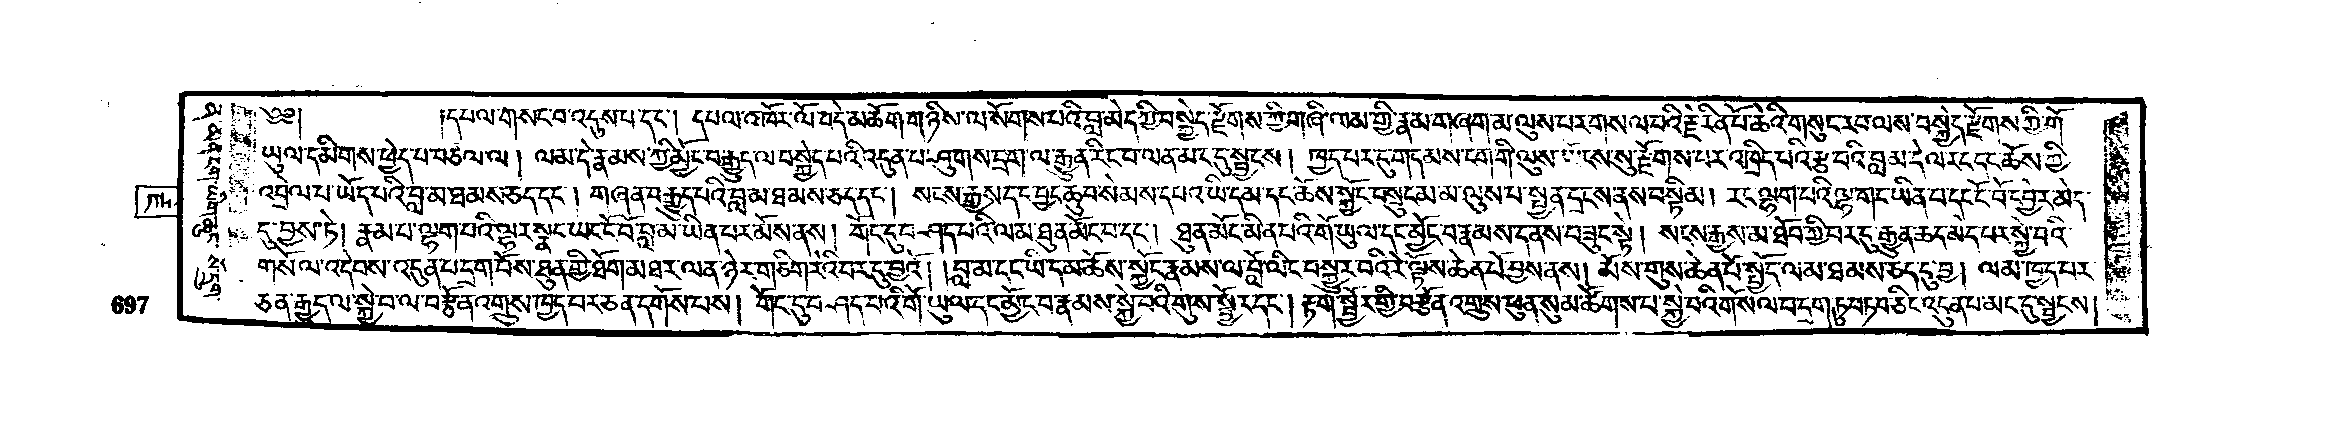༄༅། །དཔལ་གསང་བ་འདུས་པ་དང་། དཔལ་འཁོར་ལོ་བདེ་མཆོག་གཉིས་ལ་སོགས་པའི་བླ་མེད་ཀྱི་བསྐྱེད་རྫོགས་ཀྱི་གཞི་ལམ་གྱི་རྣམ་གཞག་མ་ལུས་པར་གསལ་བའི་རྗེ་རིན་པོ་ཆེའི་གསུང་རབ་ལས་བསྐྱེད་རྫོགས་ཀྱི་གོ་
ཡུལ་དམིགས་ཕྱེད་པ་བཙལ་ལ། ལམ་དེ་རྣམས་ཀྱི་མྱོང་བ་རྒྱུད་ལ་བསྐྱེད་པའི་འདུན་པ་ཤུགས་དྲག་ལ་རྒྱུན་རིང་བ་ལན་མང་དུ་སྦྱངས། ཁྱད་པར་དུ་གདམས་ངག་གི་ལུས་ཡོངས་སུ་རྫོགས་པར་འཁྲིད་པའི་རྩ་བའི་བླ་མ་དེ་ལ་རང་དང་ཆོས་ཀྱི་
འབྲེལ་པ་ཡོད་པའི་བླ་མ་ཐམས་ཅད་དང་། གཞན་བརྒྱུད་པའི་བླ་མ་ཐམས་ཅད་དང་། སངས་རྒྱས་དང་བྱང་ཆུབ་སེམས་དཔའ་ཡི་དམ་དང་ཆོས་སྐྱོང་བསྲུང་མ་མ་ལུས་པ་སྤྱན་དྲངས་ནས་བསྟིམ། རང་ལྷག་པའི་ལྷ་གང་ཡིན་པ་དང་ངོ་བོ་དབྱེར་མེད་
དུ་བྱས་ཏེ། རྣམ་པ་ལྷག་པའི་ལྷར་སྣང་ཡང་ངོ་བོ་བླ་མ་ཡིན་པར་མོས་ནས། གོང་དུ་བཤད་པའི་ལམ་ཐུན་མོང་བ་དང་། ཐུན་མོང་མིན་པའི་གོ་ཡུལ་དང་མྱོང་བ་རྣམས་ད་ནས་བཟུང་སྟེ། སངས་རྒྱས་མ་ཐོབ་ཀྱི་བར་དུ་རྒྱུན་ཆད་མེད་པར་སྐྱེ་བའི་
གསོལ་འདེབས་འདུན་པ་དྲག་པོས་ཐུན་གྱི་ཐོག་མཐར་ལན་ཉེར་གཅིག་རེའི་བར་དུ་བྱའོ། །བླ་མ་དང་ཡི་དམ་ཆོས་སྐྱོང་རྣམས་ལ་བློ་ལིང་བསྒྱུར་བའི་རེ་ལྟོས་ཆེན་པོ་བྱས་ནས། མོས་གུས་ཆེན་པོ་སྤྱོད་ལམ་ཐམས་ཅད་དུ་བྱ། ལམ་ཁྱད་པར་
ཅན་རྒྱུད་ལ་སྐྱེ་བ་ལ་བརྩོན་འགྲུས་ཁྱད་པར་ཅན་དགོས་པས། གོང་དུ་བཤད་པའི་གོ་ཡུལ་དང་མྱོང་བ་རྣམས་སྐྱེ་བའི་གུས་སྦྱོར་དང་། རྟག་སྦྱོར་གྱི་བརྩོན་འགྲུས་ཕུན་སུམ་ཚོགས་པ་སྐྱེ་བའི་གསོལ་བ་དྲག་ཏུ་བཏབ་ཅིང་འདུན་པ་མང་དུ་སྦྱངས།